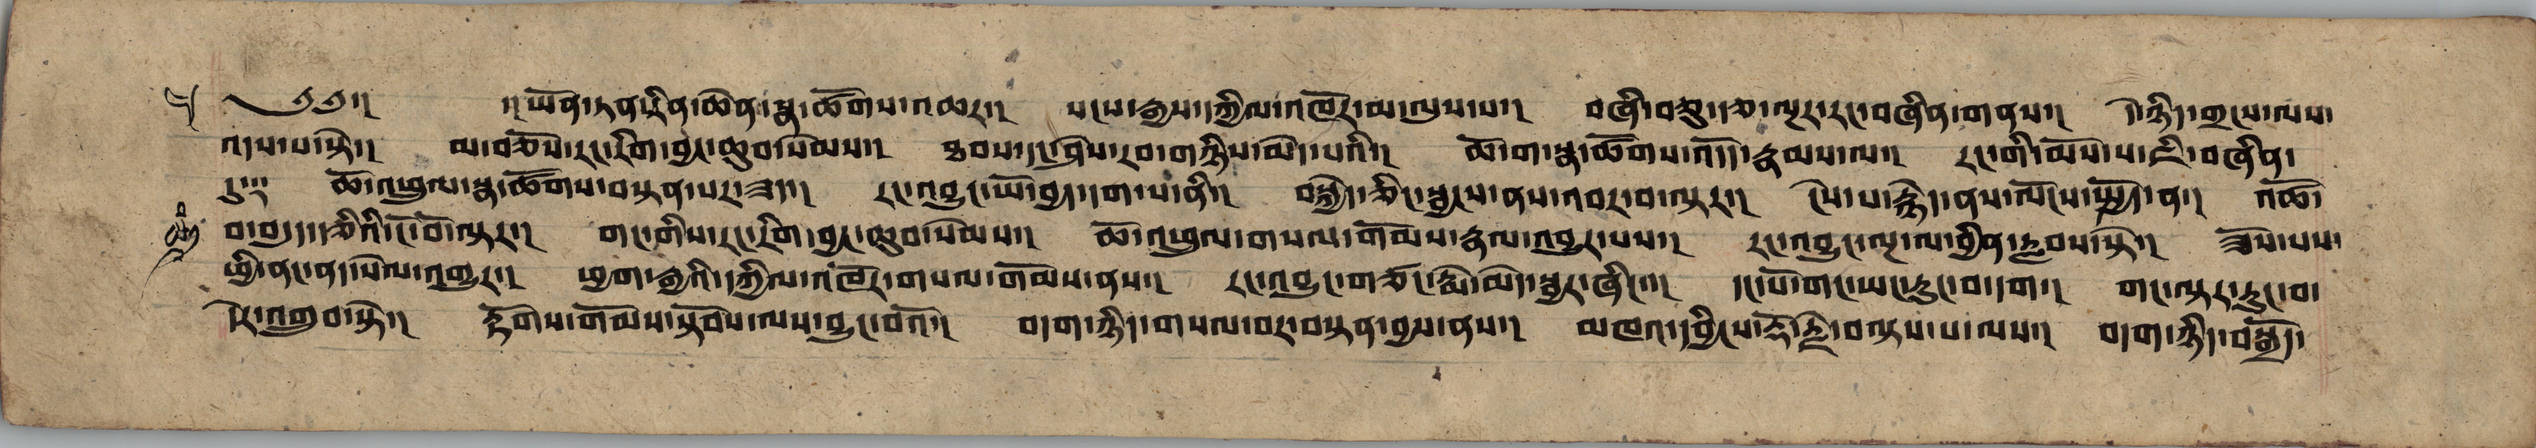༄༅་། ་།ཡོན་ཏན་རིན་ཆེན་སྣ་ཚོགས་འཆར་། སངས་རྒྱས་དཀྱིལ་འཁོར་མ་ལུས་པ་། བཞི་བཅུ་རྩ་ལྔར་རང་བཞིན་གནས་། དེ་ཉིད་གྲངས་ལས་
འདས་པ་སྟེ་། མ་བཅོས་རང་རིག་བྱང་ཆུབ་སེམས་། ཐབས་དང་ཤེས་རབ་གཉིས་མེད་པའི་། ཆོ་ག་སྣ་ཚོགས་འདོད་རྣམས་ལ་། རང་གི་མོས་པ་ཇི་བཞིན་
དུ༑ ཆོ་འཕྲུལ་སྣ་ཚོགས་བསྟན་པར་ཟད་། རང་འབྱུང་ཡོ་བྱད་དག་པ་ནི་། བསྐྱེད་ཅིང་སྦྱངས་ནས་འབར་བ་ལྟར་། ངེས་པ་རྙེད་ནས་ལོངས་སྤྱོད་ན་། འཚོ་
བ་བདུད་རྩིའི་ངོ་བོ་ལྟར་། གང་གིས་རང་རིག་བྱང་ཆུབ་སེམས་། ཆོ་འཕྲུལ་གསལ་གོམས་རྣལ་འབྱུར་པས་། རང་བྱུང་ལྔ་ལ་བྱིན་རླབས་སྟེ་། ཟོས་པས་
ཕྱི་ནང་ནད་སེལ་འགྱུར་། ཕྱག་རྒྱའི་དཀྱིལ་འཁོར་གསལ་གོམས་ནས་། རང་འབྱུང་གཙང་རྨེ་མེད་སྦྱར་ཞིང་་། དང་པོ་གང་ཡང་རུང་བ་དག་། གང་ལྟར་རུང་བ་
དེར་འགྲུབ་སྟེ་། རྟོགས་གོམས་སྟོབས་ལས་བྱུང་བའོ་། བདག་ཉིད་གསལ་བར་བསྟན་བྱས་ནས་། མཁའ་དབྱིངས་རྡོ་རྗེ་བལྟས་པ་ལས་། བདག་ཉིད་བསྒྲོད་